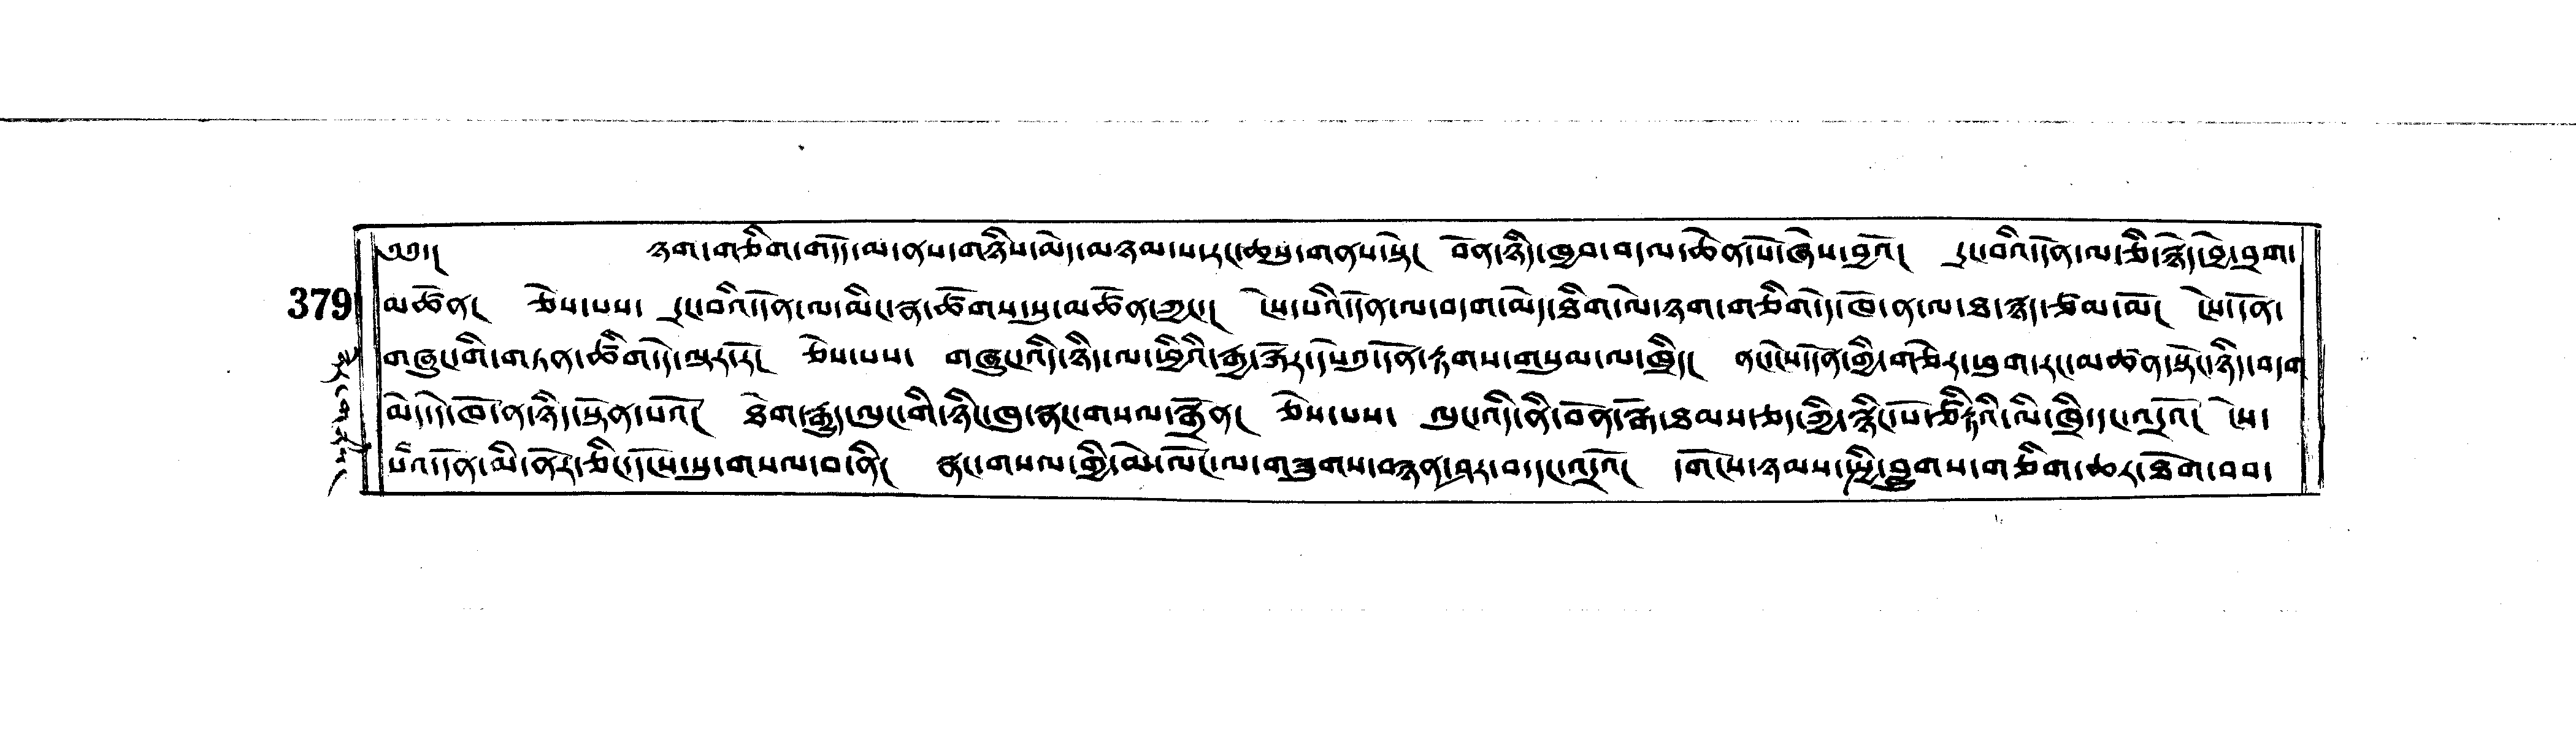ཉག་གཅིག་གདོད་མ་ནས་གཉིས་མེད་མཉམ་པ་རང་ཆས་སུ་གནས་ཏེ། བོན་ཉིད་ཁྱབ་བདལ་ཆེན་པོ་ཞེས་བྱའོ། དྲང་བའི་དོན་ལ་ཅི་སྙེད་བྱེ་བྲག་
མཚོན། ཅེས་པས། དྲང་བའི་དོན་ལ་མིང་སྣ་ཚོགས་སུ་མཚོན་ཀྱང་། ངེས་པའི་དོན་ལ་བདག་མེད་ཐིག་ལེ་ཉག་གཅིག་དེ་ཁོ་ན་ལ་ཐ་སྙད་ཙམ་མོ། ངེས་དོན་
གཞུང་གི་གཏན་ཚིགས་དེ་ལྟར་རོ། ཅེས་པས། གཞུང་འདི་ཉིད་ལ་ཕྱི་ཡི་རྒྱ་སྐོར་དཔེའུ་དོན་རྟགས་གསུམ་ལ་ཁྲིད། ནང་ངེས་དོན་གྱི་གཅེར་ཕུག་རང་མཚན་སྟོང་ཉིད་བདག་
མེད་དེ་ཁོ་ན་ཉིད་སྟོན་པའོ། ཐེག་རྒྱུད་ལུང་གི་སྙིང་ཁུ་སྣང་གསལ་སྒྲོན། ཅེས་པས། ལུང་འདི་ནི་བོན་སྒོ་ཐམས་ཅད་ཀྱི་སྙིང་པོ་ཙིརྟའི་ལི་ཁྲི་དང་འདྲའོ། ངེས་
པའི་དོན་མི་ནོར་ཅིང་དངོས་སུ་གསལ་བ་ནི། སྣང་གསལ་གྱི་མེ་ལོང་ལ་གཟུགས་བརྙན་ཤར་བ་དང་འདྲའོ། དགོངས་ཉམས་སྤྱི་བླུགས་ཅིག་ཅར་ཐོག་བབ་